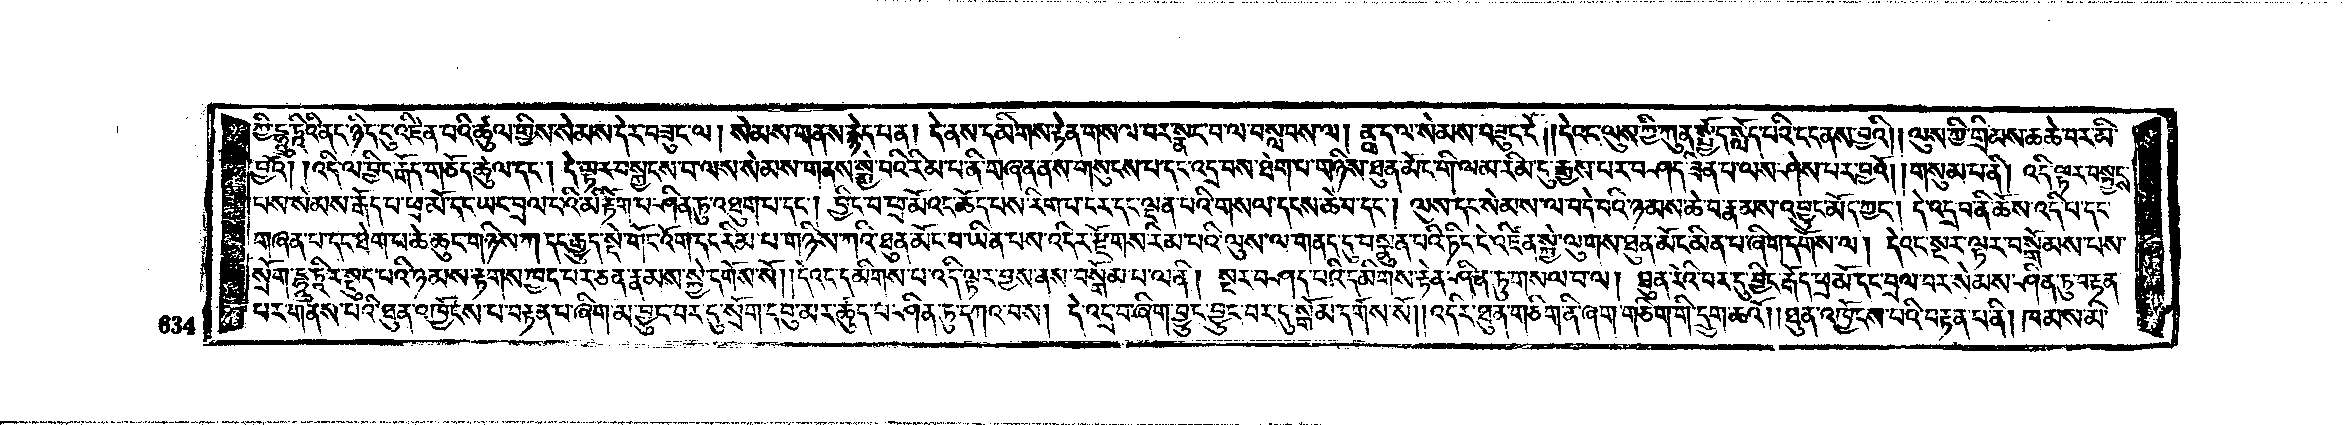ཀྱི་དྷཱུ་ཏཱིའི་ནང་ཉིད་དུ་འཛིན་པའི་ཚུལ་གྱིས་སེམས་དེར་བཟུང་ལ། སེམས་གནས་རྙེད་པ་ན། དེ་ནས་དམིགས་རྟེན་གསལ་བར་སྣང་བ་ལ་བསླབས་ལ། ནཱ་ད་ལ་སེམས་བཟུང་ངོ། །དེའང་ལུས་ཀྱི་ཀུན་སྤྱོད་གློད་པའི་ངང་ནས་བྱའི། །ལུས་ཀྱི་གྲིམས་ཆ་ཆེ་བར་མི་
བྱའོ། །འདི་ལ་བྱིང་རྒོད་གཅོད་ཚུལ་དང་། དེ་ལྟར་བསྐྱངས་པ་ལས་སེམས་གནས་སྐྱེ་བའི་རིམ་པ་ནི་གཞན་ནས་གསུངས་པ་དང་འདྲ་བས་ཐེག་པ་གཉིས་ཐུན་མོང་གི་ལམ་རིམ་དུ་རྒྱས་པར་བཤད་ཟིན་པ་ལས་ཤེས་པར་བྱའོ། །གསུམ་པ་ནི། འདི་ལྟར་བསྐྱངས་
པས་སེམས་རྒོད་པ་ཕྲ་མོ་དང་ཡང་བྲལ་བའི་མེ་རྟོག་པ་ཤིན་ཏུ་འཐུག་པ་དང་། བྱིང་བ་ཕྲ་མོའང་ཆོད་པས་རིག་པ་ངར་དང་ལྡན་པའི་གསལ་དངོས་ཆེ་བ་དང་། ལུས་དང་སེམས་ལ་བདེ་བའི་ཉམས་ཆེ་བ་རྣམས་འབྱུང་མོད་ཀྱང་། དེ་འདྲ་བ་ནི་ཆོས་འདི་པ་དང་
གཞན་པ་དང་ཐེག་པ་ཆེ་ཆུང་གཉིས་ཀ་དང་རྒྱུད་སྡེ་གོང་འོག་དང་རིམ་པ་གཉིས་ཀའི་ཐུན་མོང་བ་ཡིན་པས་འདིར་རྫོགས་རིམ་པའི་ལུས་ལ་གནད་དུ་བསྣུན་པའི་ཏིང་ངེ་འཛིན་སྐྱེ་ལུགས་ཐུན་མོང་མིན་པ་ཞིག་དགོས་ལ། དེའང་སྔར་ལྟར་བསྒོམས་པས་
སྲོག་དྷཱུ་ཏཱིར་སྡུད་པའི་ཉམས་རྟགས་ཁྱད་པར་ཅན་རྣམས་སྐྱེ་དགོས་སོ། །དེའང་དམིགས་པ་འདི་ལྟར་བྱས་ནས་བསྒོམ་པ་ལ་ནི། སྔར་བཤད་པའི་དམིགས་རྟེན་ཤིན་ཏུ་གསལ་བ་ལ། ཐུན་རེའི་བར་དུ་བྱིང་རྒོད་ཕྲ་མོ་དང་བྲལ་བར་སེམས་ཤིན་ཏུ་བརྟན་
པར་གནས་པའི་ཐུན་འཁྱོངས་པ་བརྟན་པ་ཞིག་མ་བྱུང་བར་དུ་སྲོག་དབུ་མར་ཚུད་པ་ཤིན་ཏུ་དཀའ་བས། དེ་འདྲ་བ་ཞིག་བྱུང་བྱུང་བར་དུ་སྒོམ་དགོས་སོ། །འདིར་ཐུན་གཅིག་ནི་ཞག་གཅིག་གི་དྲུག་ཆའི། །ཐུན་འཁྱོངས་པའི་བརྟན་པ་ནི། ཁམས་མི་